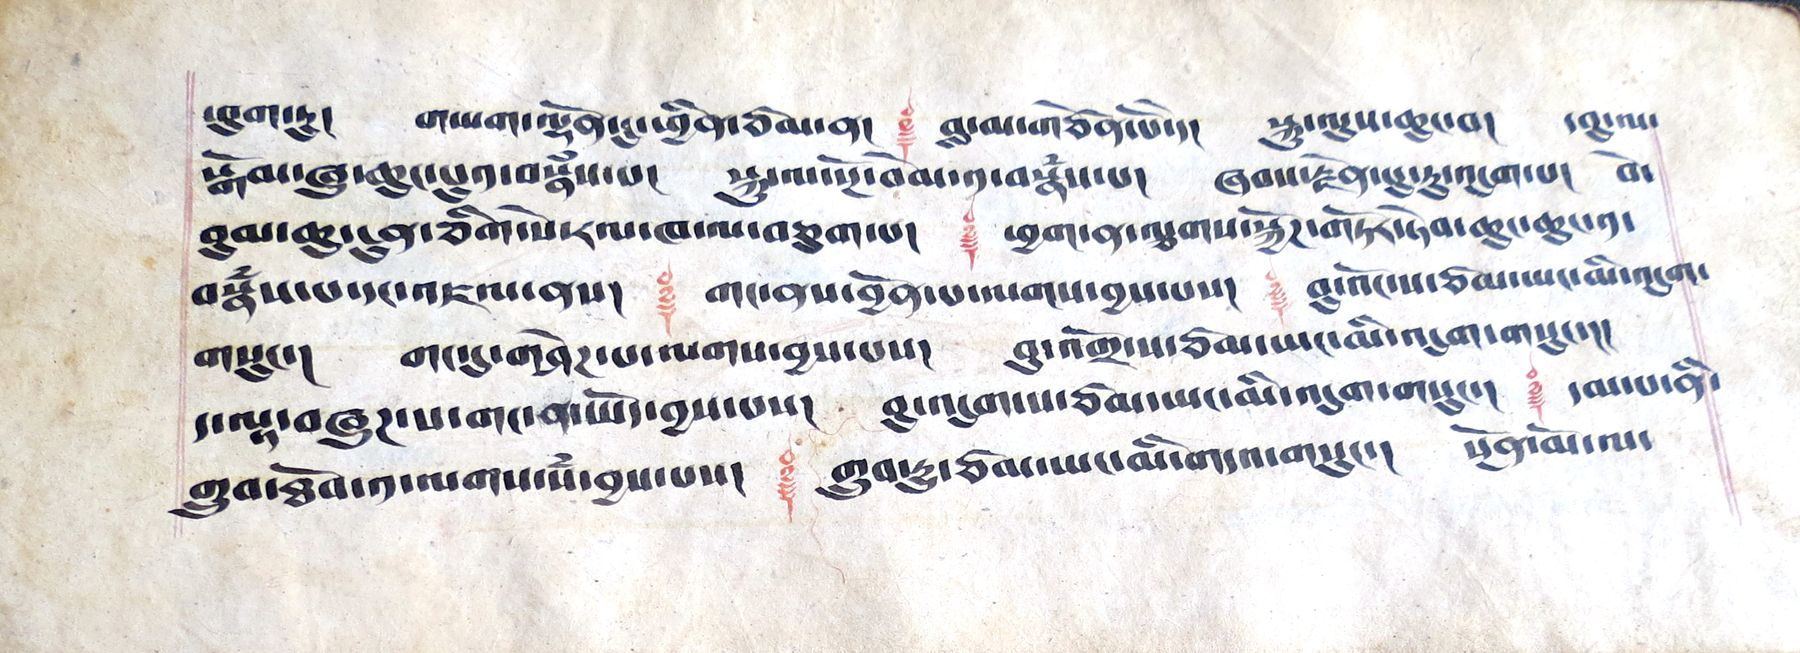ཕུག་ཏུ། གཡག་འདོན་དུ་ཕྱིན་ཙམ་ན། བླ་མ་བཙན་པོ་དེ། སྐུ་ལུས་ཆུང་བ་དབུ་ལ་
སྒོམ་ཞུ་ཆུང་ངུན་ཞིག་མནབས་པས། སྐུ་ལ་སྔོ་བེམ་ཞིག་མནབས་པ། ཞབས་རྗེན་པ་རུ་འདུག་པ། དཔེ་
བུམ་ཆུང་ངུན་ཞིག་སེ་རལ་ཁ་ལ་བཅུག་པ། ཕྱག་ན་ལྕགས་སྐྱོག་གཏོར་ཐེབ་ཆུང་ཆུང་ན་
བསྣམས་པ་དང་མཇལ་ནས། གང་ནས་བྱོན་པ་ལགས་བྱས་པས། བུ་འོངས་ས་ཙམ་ཡང་མི་འདུག་
གསུངས། གང་དུ་གཤེགས་པ་ལགས་བྱས་པས། བུ་འགྲོ་ས་ཙམ་ཡང་མི་འདུག་གསུངས། 
ད་ལྟ་བཞུགས་པ་གང་ན་ཡོད་བྱས་པས། བུ་འདུག་ས་ཙམ་ཡང་མི་འདུག་གསུངས། དམ་པ་ནི་
གྲུབ་ཐོབ་ཅིག་ལགས་སམ་བྱས་པས། གྲུབ་རྒྱུ་ཙམ་ཡང་མི་གདའ་གསུངས། སྔོན་མོ་ལ་